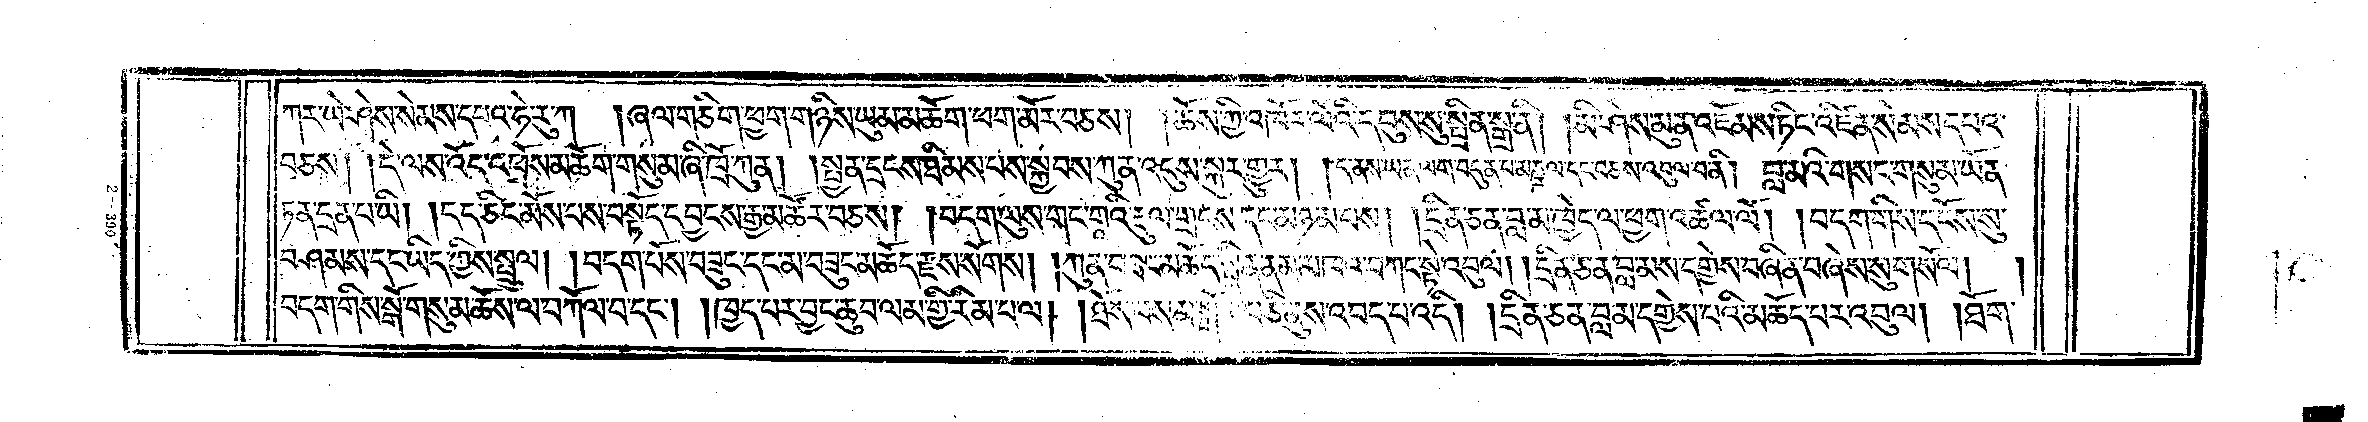ཀར་ཡེ་ཤེས་སེམས་དཔའ་ཧེ་རུ་ཀ །ཞལ་གཅིག་ཕྱག་གཉིས་ཡུམ་མཆོག་ཕག་མོར་བཅས། །ཆོས་ཀྱི་འཁོར་ལོའི་དབུས་སུ་སྤྲིན་སྒྲ་ནི། །མི་ཤེས་མུན་འཇོམས་ཏིང་འཛིན་སེམས་དཔའ་
བཅས། །དེ་ལས་འོད་འཕྲོས་མཆོག་གསུམ་ཞི་ཁྲོ་ཀུན། །སྤྱན་དྲངས་ཐིམས་པས་སྐྱབས་ཀུན་འདུས་སྐུར་གྱུར། །ད་ནས་ཡན་ལག་བདུན་པ་མཎྜལ་དང་བཅས་འབུལ་བ་ནི།  བླ་མའི་གསང་གསུམ་ཡོན་
ཏན་དྲན་པ་ཡི། །དད་ཅིང་མོས་པས་བསྟོད་དབྱངས་རྒྱ་མཚོར་བཅས། །བདག་ལུས་གང་གཱའི་རྡུལ་གྲངས་དང་མཉམ་པས། །དྲིན་ཅན་བླ་མ་ཁྱེད་ལ་ཕྱག་འཚལ་ལོ། །བདག་གིས་དངོས་སུ་
བཤམས་དང་ཡིད་ཀྱིས་སྤྲུལ། །བདག་པོས་བཟུང་དང་མ་བཟུང་མཆོད་རྫས་སོགས། །ཀུན་བཟང་མཆོད་སྤྲིན་ནམ་མཁའ་བཀང་སྟེ་འབུལ། །དྲིན་ཅན་བླ་མས་དགྱེས་བཞིན་བཞེས་སུ་གསོལ། །
བདག་གིས་སྒོ་གསུམ་ཆོས་ལ་བཀོལ་བ་དང་། །ཁྱད་པར་བྱང་ཆུབ་ལམ་གྱི་རིམ་པ་ལ། །ཐོས་བསམ་སྒོམ་པ་ཅི་ནུས་འདབ་པ་འདི། །དྲིན་ཅན་བླ་མ་དགྱེས་པའི་མཆོད་པར་འབུལ། །ཐོབ་